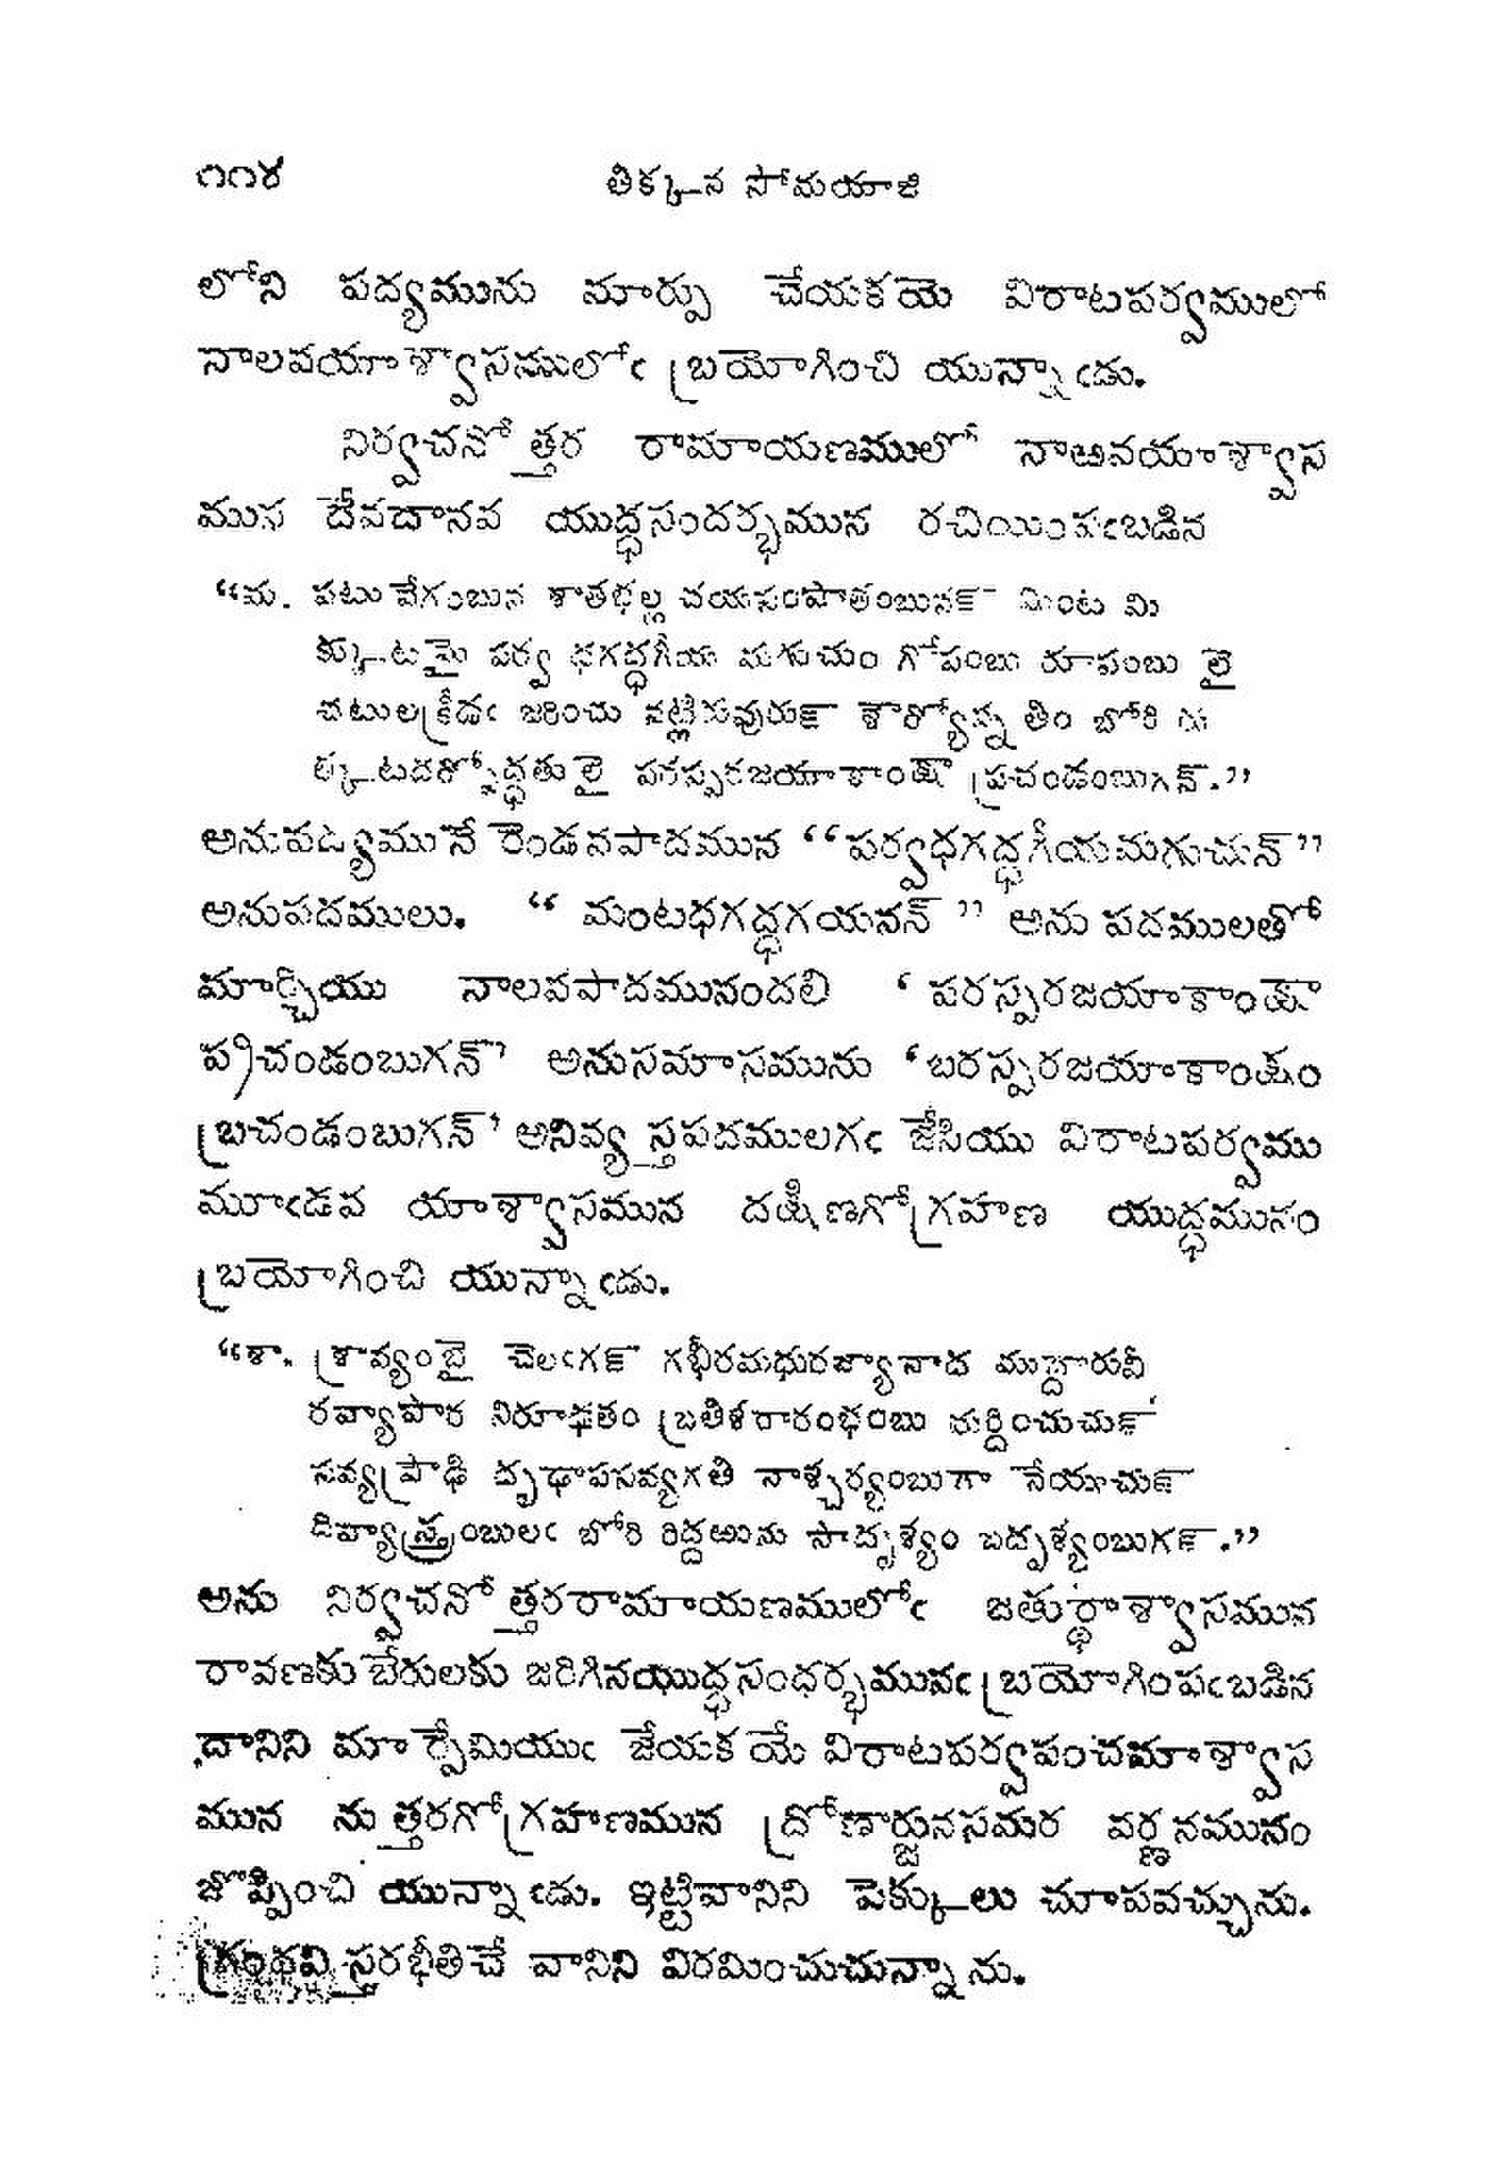లోని పద్యమును మార్పు చేయకయె విరాటపర్వములో నాలవయాశ్వాసములోఁ బ్రయోగించి యున్నాడు.

నిర్వచనోత్తర రామాయణములో నాఱవయాశ్వాసమున దేవదానవ యుద్ధసందర్భమున రచియింపఁబడిన 

"మ. పటువేగంబున శాతభల్ల చయసంపాతంబున౯ మింట మి 
 క్కుటమై పర్వ ధగద్దగీయ మగుచుం గోపంబు రూపంబు లై 
 చటులక్రీడఁ జరించు నట్లిరువురు౯ శౌర్యోన్నతిం బోరీ రు
 త్కటదర్పోద్దతులై పరస్పరజయాకాంక్షా ప్రచండంబుగన్," 
అనుపద్యమునే రెండవపాదమున “పర్వధగద్దగీయమగుచున్" అనుపదములు. "మంటధగద్ధగయనన్ " అను పదములతో మార్చియు నాలవపాదమునందలి 'పరస్పరజయాకాంక్షా ప్రచండంబుగన్" అనుసమాసమును 'బరస్పరజయాకాంక్షం బ్రచండంబుగన్' అనివ్యస్తపదములగఁ జేసియు విరాటపర్వము మూఁడవ యాశ్వాసమున దక్షిణగోగ్రహణ యుద్ధమునం బ్రయోగించి యున్నాడు. 

"శా. శ్రావ్యంబై చెలఁగ౯ గభీరమధురజ్యానాద ముద్దారువీ
 రవ్యాపార నిరూఢతం బ్రతిశరారంభంబు మర్దించుచు౯ 
 సవ్యప్రౌఢి దృఢాపసవ్యగతి నాశ్చర్యంబుగా నేయుచు౯
 దివ్యాస్త్రంబులఁ బోరి రిద్దఱును సాదృశ్యం బదృశ్యంబుగ౯.” 
అను నిర్వచనోత్తరరామాయణములోఁ జతుర్థాశ్వాసమున రావణకుబేరులకు జరిగినయుద్ధ సంధర్భమునఁ బయోగింపఁబడిన దానిని మార్పేమియుఁ జేయకయే విరాటపర్వపంచమాశ్వాస మున నుత్తరగోగ్రహణమున ద్రోణార్జునసమర వర్ణనమునం జొప్పించి యున్నాఁడు. ఇట్టివానిని పెక్కులు చూపవచ్చును. గ్రంధవిస్తరభీతిచే వానిని విరమించుచున్నాను.